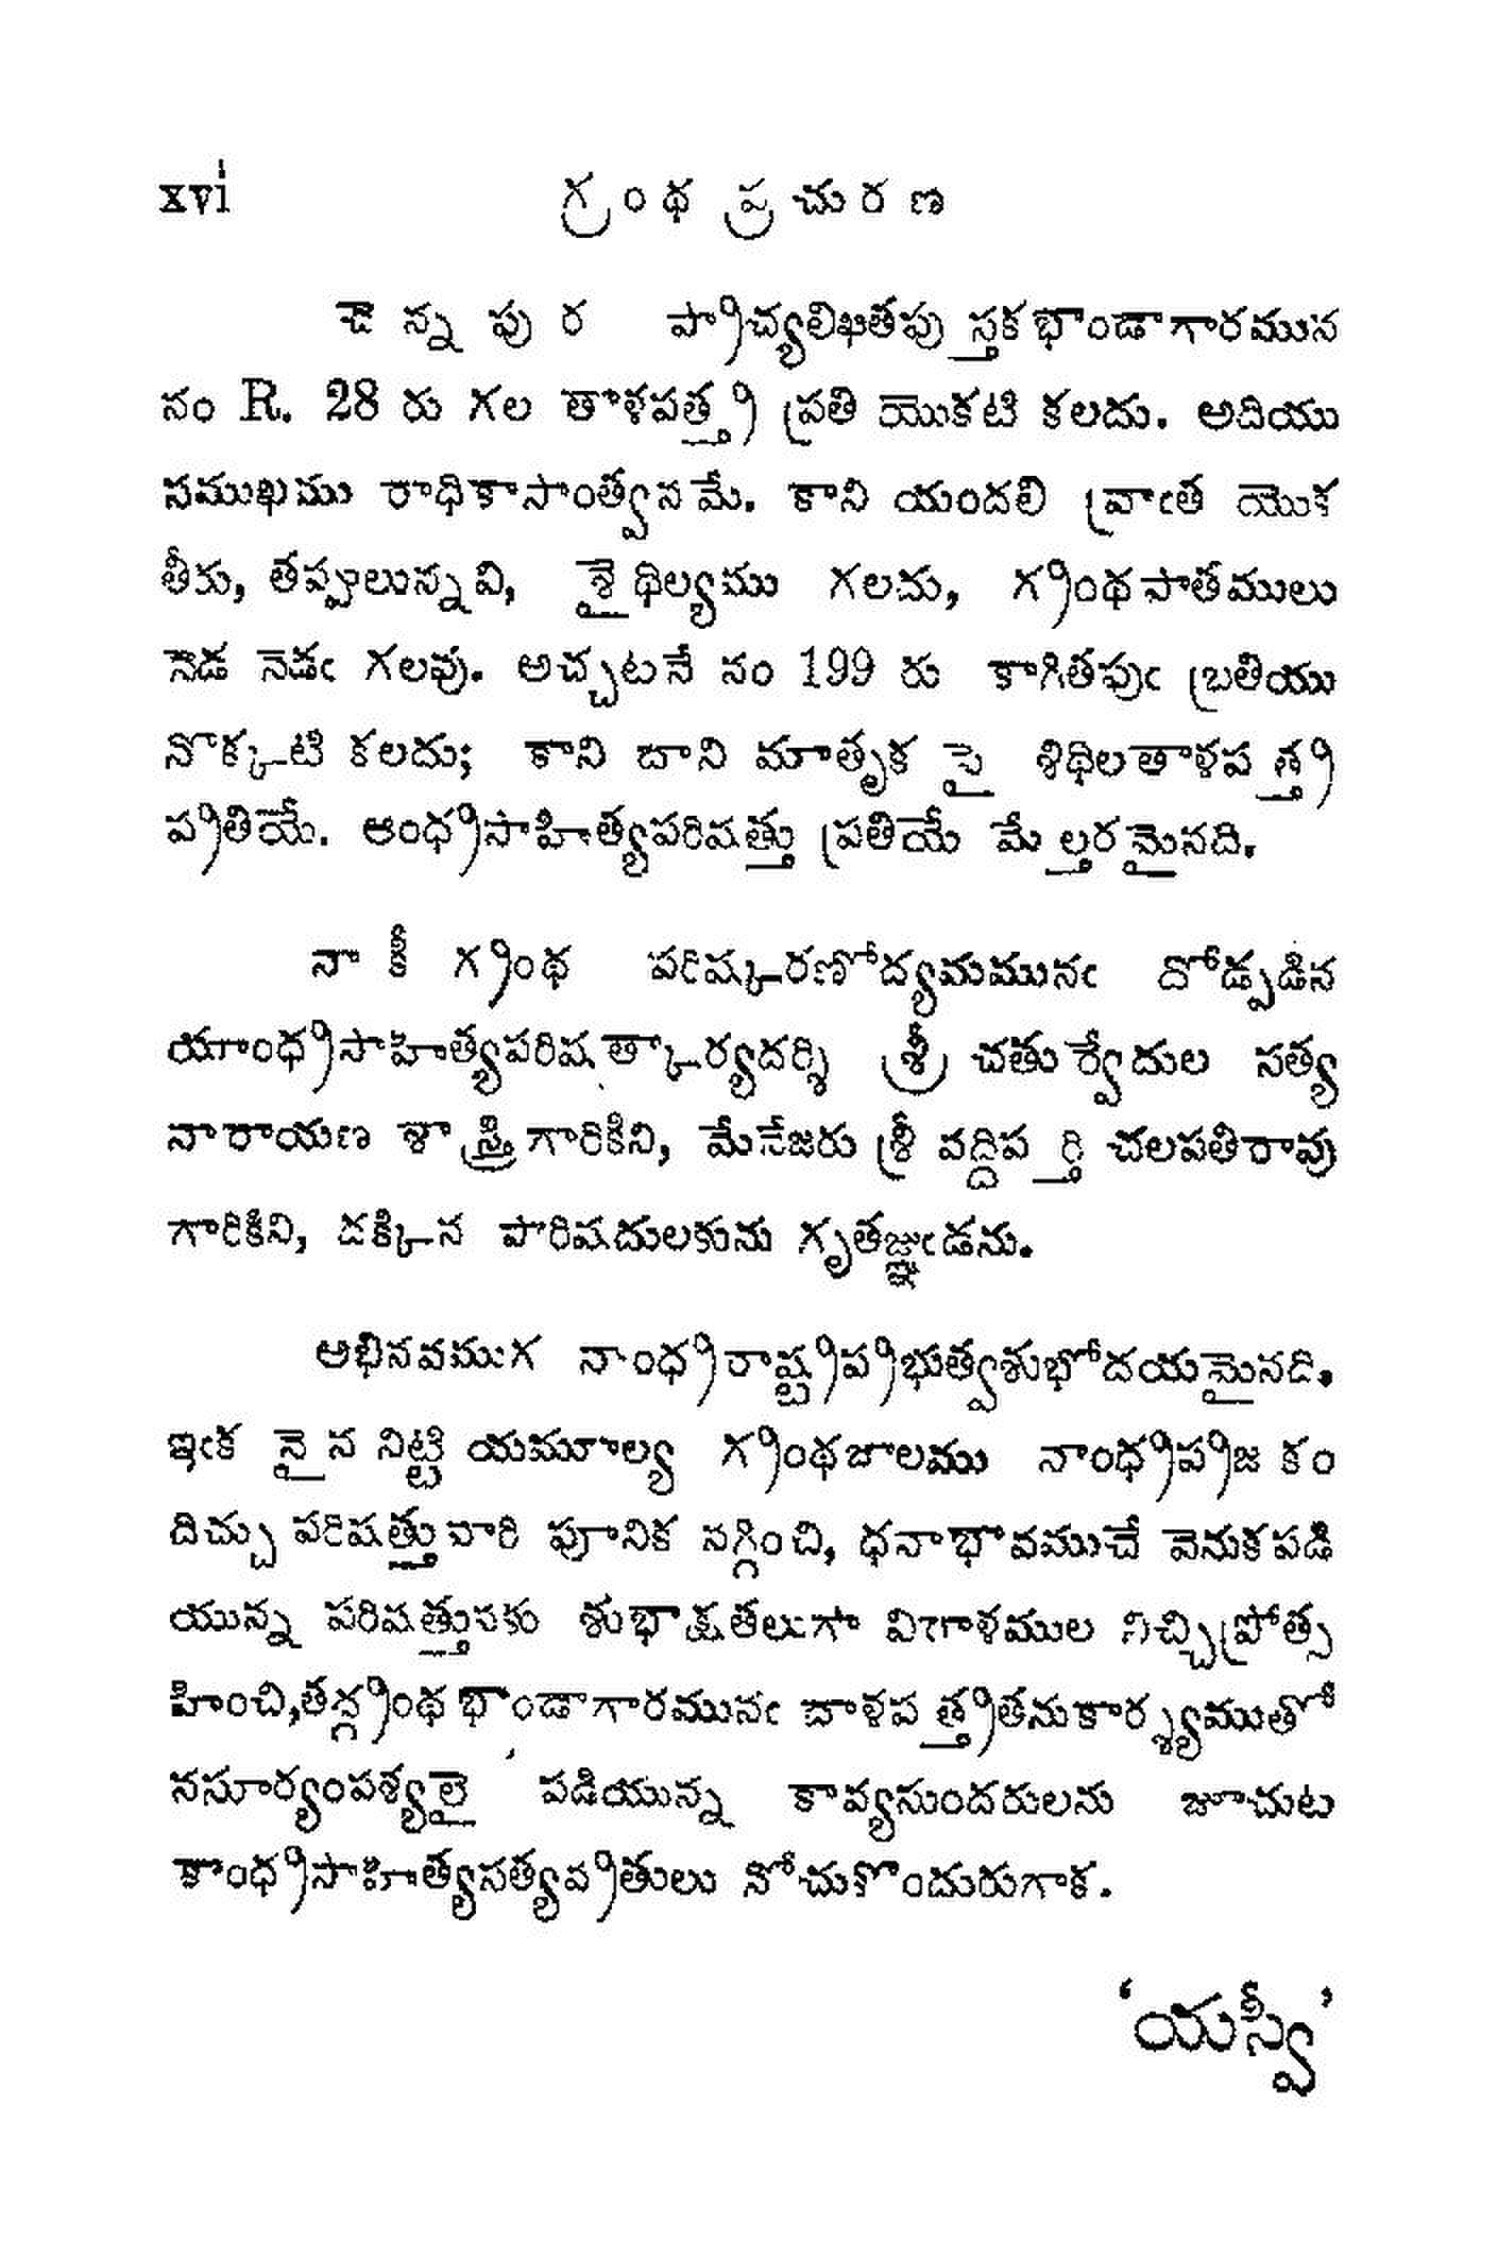చెన్నపుర ప్రాచ్యలిఖితపుస్తకభాండాగారమున నం R. 28 రు గల తాళపత్త్రప్రతి యొకటి కలదు. అదియు సముఖము రాధికాసాంత్వనమే. కానీ యందలి వ్రాఁత యొక తీరు, తప్పులున్నవి, శైథిల్యము గలదు, గ్రంథపాతములు నెడ నెడఁ గలవు. అచ్చటనే నం 199 రు కాగితపుఁ బ్రతియు నొక్కటి కలదు; కాని దాని మాతృక పై శిథిలతాళపత్త్రప్రతియే. ఆంధ్రసాహిత్యపరిషత్తు ప్రతియే మేల్తరమైనది.

నా కీ గ్రంథ పరిష్కరణోద్యమమునఁ దోడ్పడిన యాంధ్రసాహిత్యపరిషత్కార్యదర్శి శ్రీ చతుర్వేదుల సత్యనారాయణ శాస్త్రి గారికిని, మేనేజరు శ్రీ వద్దిపర్తి చలపతిరావు గారికిని, దక్కిన పారిషదులకును గృతజ్ఞుడను.

అభినవముగ నాంధ్ర రాష్ట్రప్రభుత్వశుభోదయమైనది. ఇఁక నైన నిట్టి యమూల్యగ్రంథజాలము నాంధ్ర ప్రజ కందిచ్చు పరిషత్తువారి పూనిక నగ్గించి, ధనాభావముచే వెనుకపడియున్న పరిషత్తుసకు శుభాక్షతలుగా విరాళముల నిచ్చి ప్రోత్సహించి, తద్గ్రంథభాండాగారమునఁ దాళపత్త్రతనుకార్శ్యముతో నసూర్యంపశ్యలై పడియున్న కావ్యసుందరులను జూచుట కాంధ్రసాహిత్యసత్యవతులు నోచుకొందురుగాక.